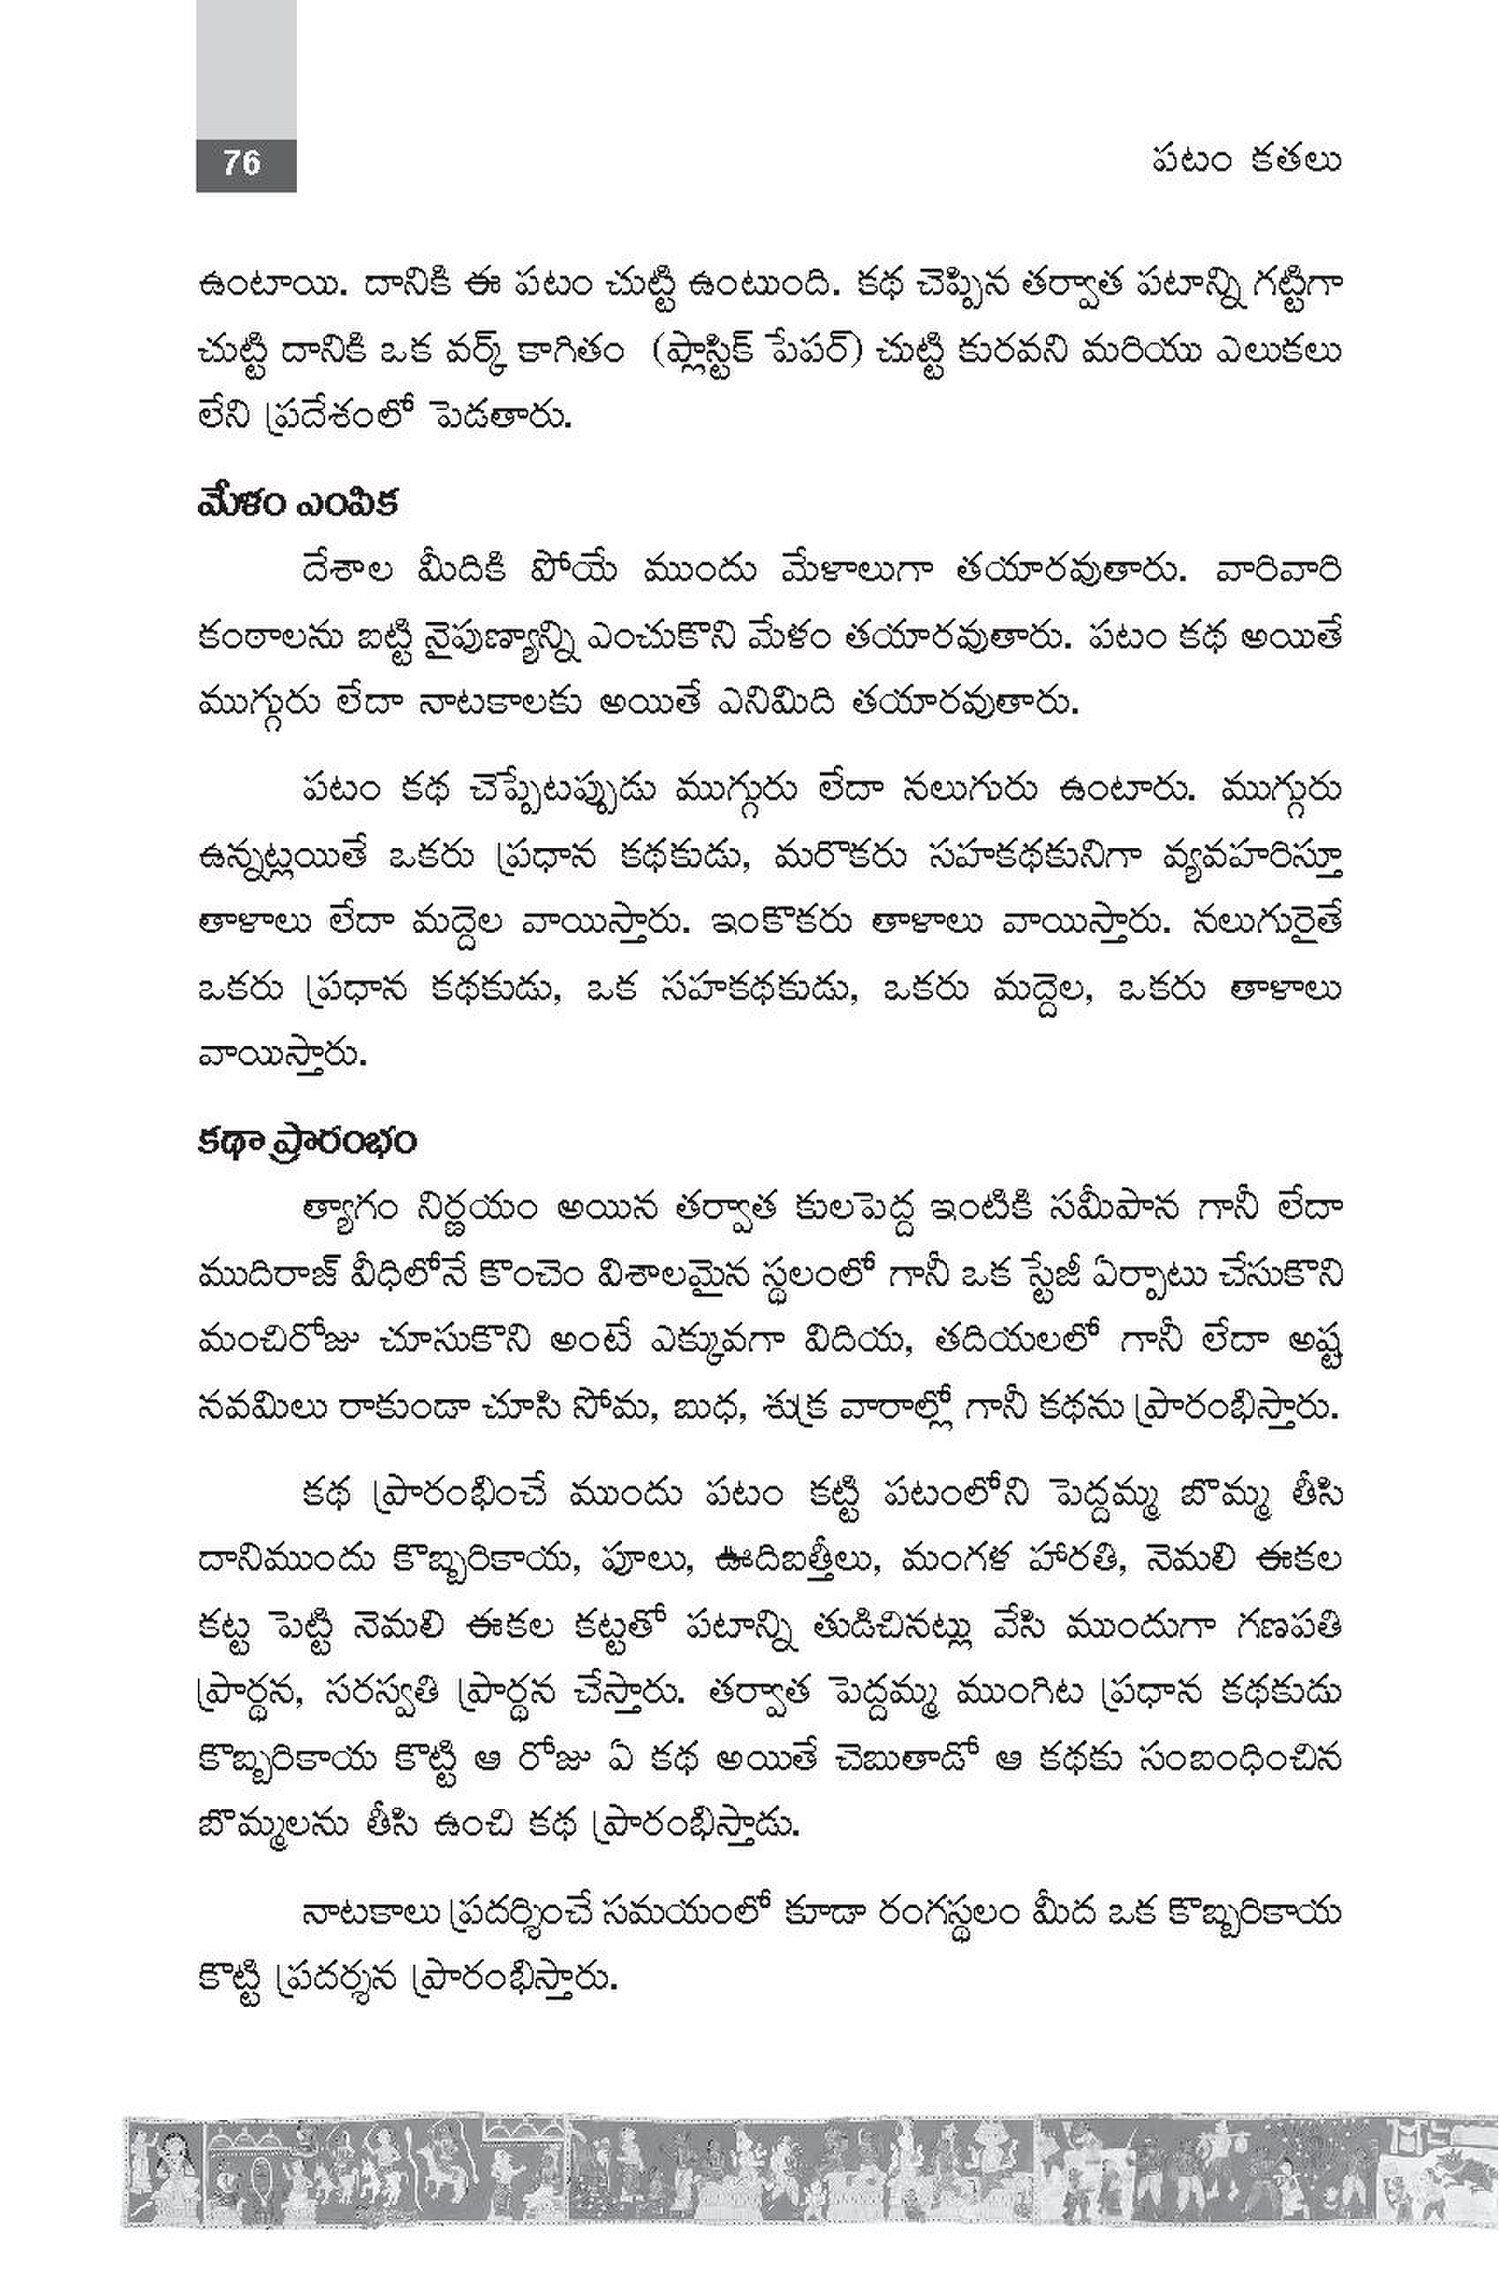ఉంటాయి. దానికి ఈ పటం చుట్టి ఉంటుంది. కథ చెప్పిన తర్వాత పటాన్ని గట్టిగా చుట్టి దానికి ఒక వర్క్ కాగితం (ప్లాస్టిక్ పేపర్) చుట్టి కురవని మరియు ఎలుకలు లేని ప్రదేశంలో పెడతారు.

మేళం ఎంపిక 

దేశాల మీదికి పోయే ముందు మేళాలుగా తయారవుతారు. వారివారి కంఠాలను బట్టి నైపుణ్యాన్ని ఎంచుకొని మేళం తయారవుతారు. పటం కథ అయితే ముగ్గురు లేదా నాటకాలకు అయితే ఎనిమిది తయారవుతారు.

పటం కథ చెప్పేటప్పుడు ముగ్గురు లేదా నలుగురు ఉంటారు. ముగ్గురు ఉన్నట్లయితే ఒకరు ప్రధాన కథకుడు, మరొకరు సహకథకునిగా వ్యవహరిస్తూ తాళాలు లేదా మద్దెల వాయిస్తారు. ఇంకొకరు తాళాలు వాయిస్తారు. నలుగురైతే ఒకరు ప్రధాన కథకుడు, ఒక సహకథకుడు, ఒకరు మద్దెల, ఒకరు తాళాలు వాయిస్తారు.

కథా ప్రారంభం 

త్యాగం నిర్ణయం అయిన తర్వాత కులపెద్ద ఇంటికి సమీపాన గానీ లేదా ముదిరాజ్ వీధిలోనే కొంచెం విశాలమైన స్థలంలో గానీ ఒక స్టేజీ ఏర్పాటు చేసుకొని మంచిరోజు చూసుకొని అంటే ఎక్కువగా విదియ, తదియలలో గానీ లేదా అష్ట
నవమిలు రాకుండా చూసి సోమ, బుధ, శుక్ర వారాల్లో గానీ కథను ప్రారంభిస్తారు.

కథ ప్రారంభించే ముందు పటం కట్టి పటంలోని పెద్దమ్మ బొమ్మ తీసి దానిముందు కొబ్బరికాయ, పూలు, ఊదిబత్తీలు, మంగళ హారతి, నెమలి ఈకల కట్ట పెట్టి నెమలి ఈకల కట్టతో పటాన్ని తుడిచినట్లు వేసి ముందుగా గణపతి ప్రార్ధన, సరస్వతి ప్రార్ధన చేస్తారు. తర్వాత పెద్దమ్మ ముంగిట ప్రధాన కథకుడు కొబ్బరికాయ కొట్టి ఆ రోజు ఏ కథ అయితే చెబుతాడో ఆ కథకు సంబంధించిన బొమ్మలను తీసి ఉంచి కథ ప్రారంభిస్తాడు.

నాటకాలు ప్రదర్శించే సమయంలో కూడా రంగస్థలం మీద ఒక కొబ్బరికాయ కొట్టి ప్రదర్శన ప్రారంభిస్తారు.